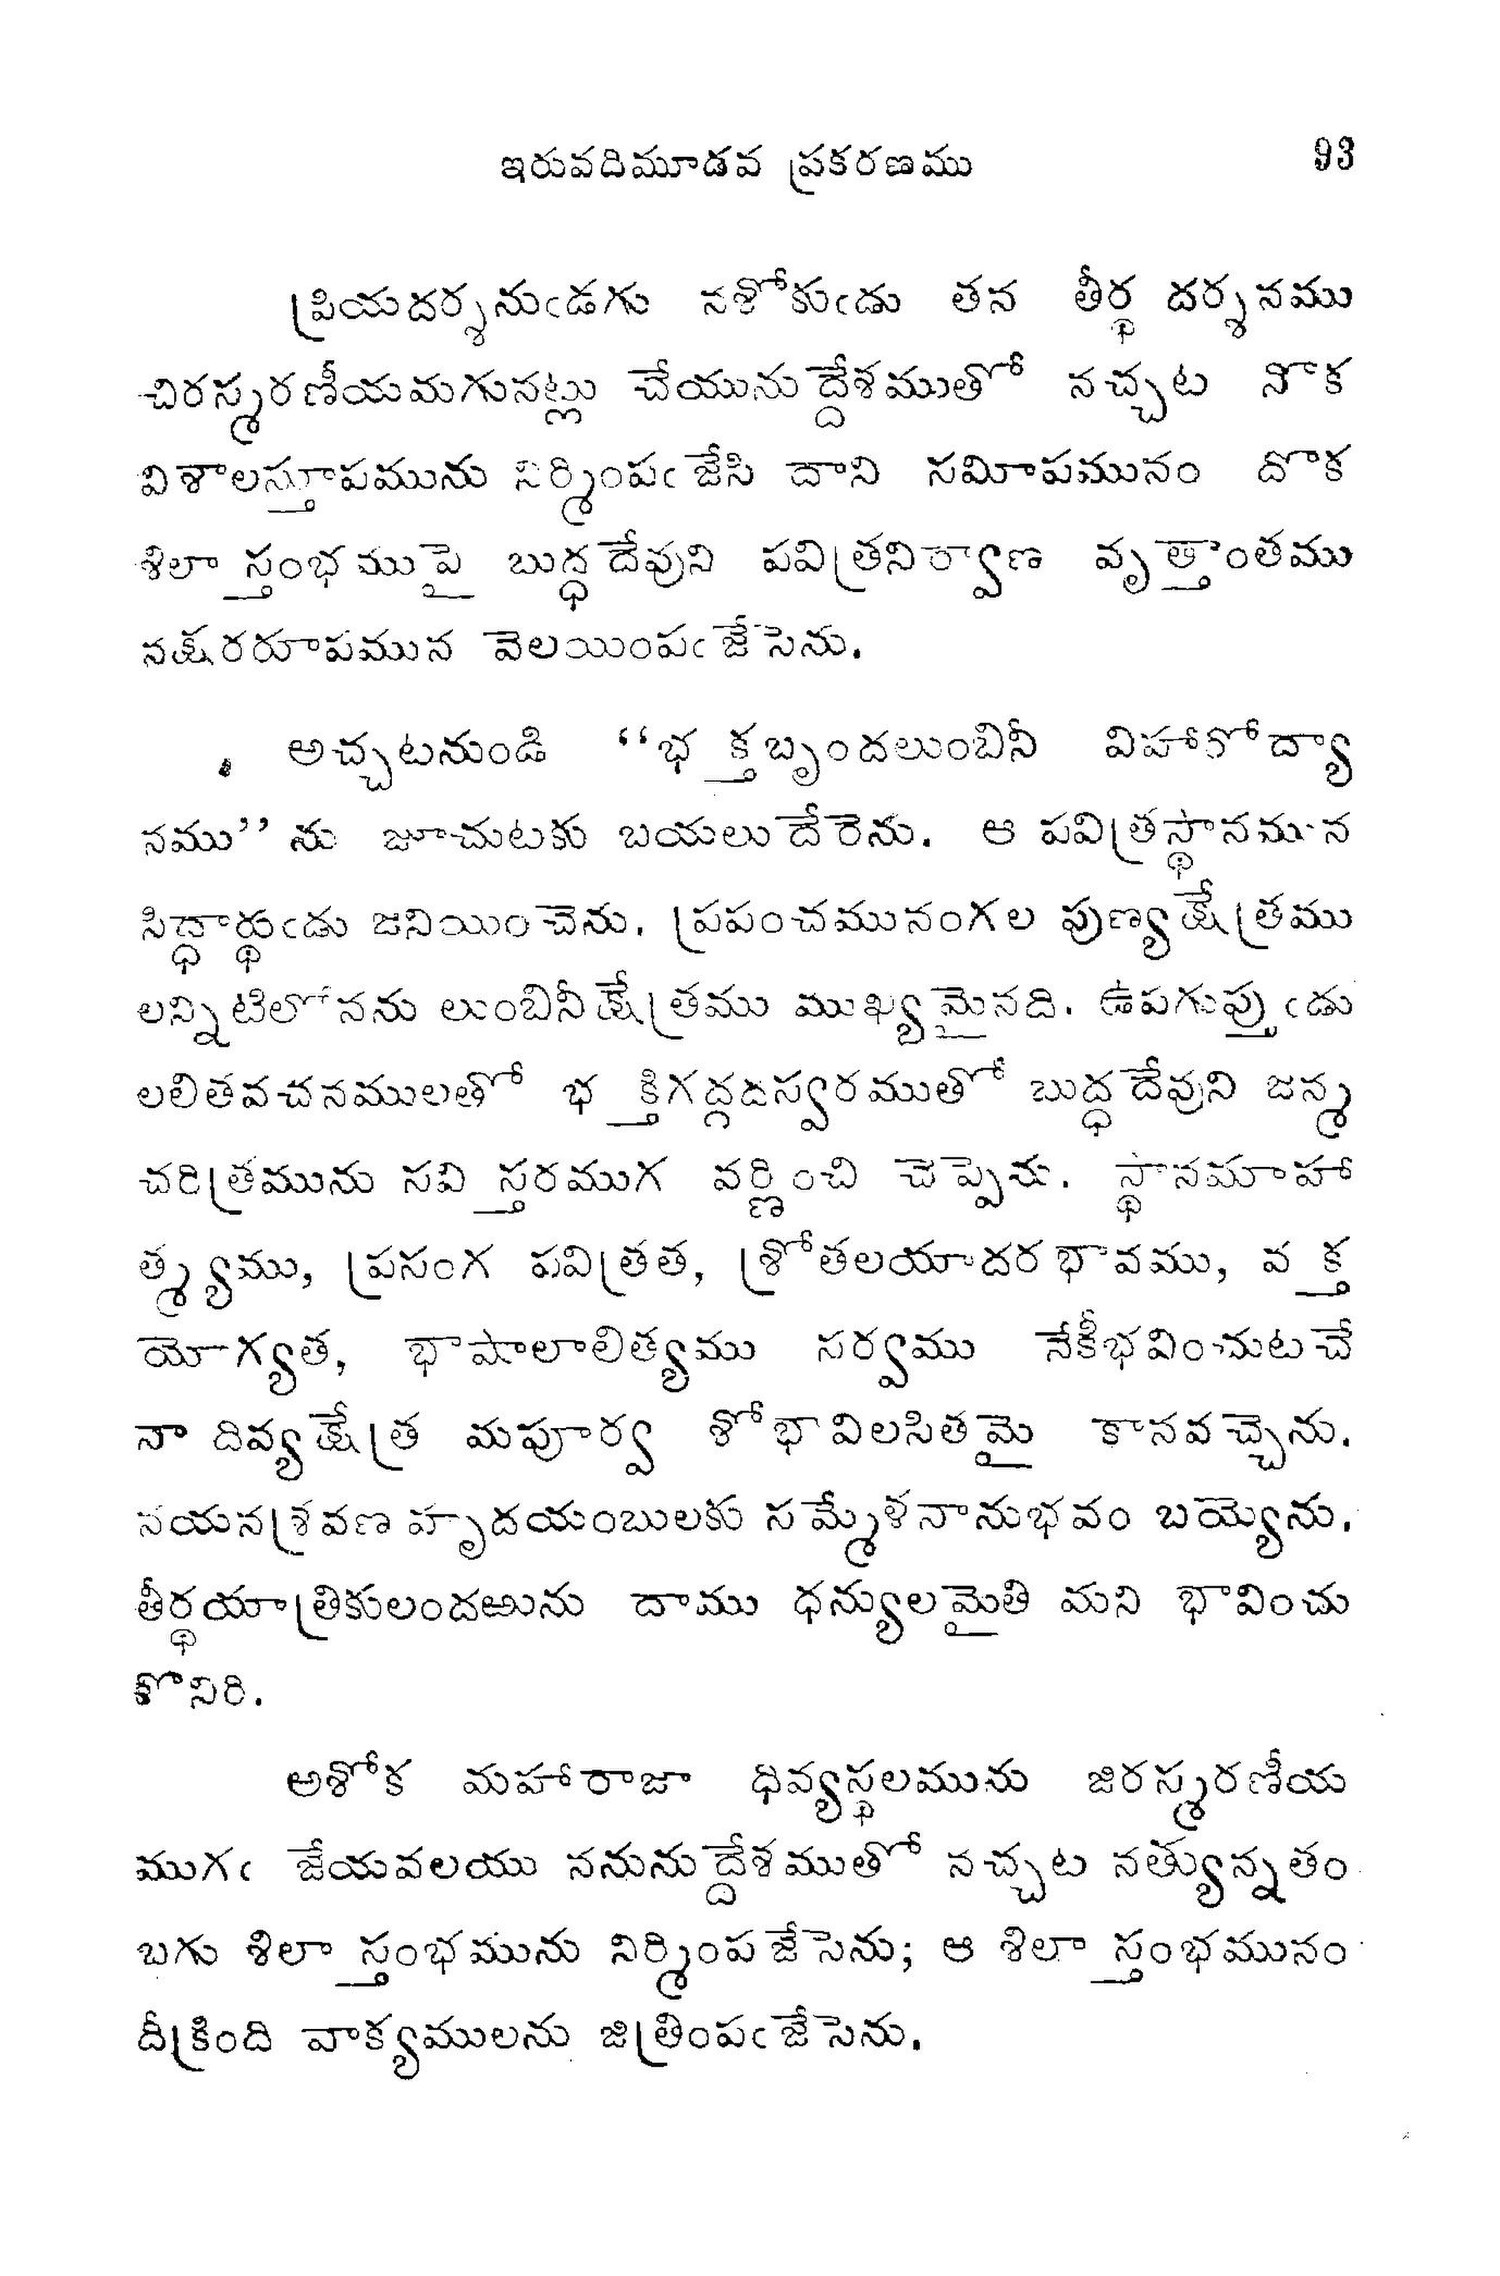ప్రియదర్శనుఁడగు నశోకుఁడు తన తీర్థ దర్శనము చిరస్మరణీయమగునట్లు చేయు నుద్దేశముతో నచ్చట నొక విశాలస్తూపమును నిర్మింపఁ జేసి దాని సమీపమునం దొక శిలా స్తంభము పై బుధ్ధ దేవుని పవిత్రనిర్వాణ వృత్తాంతము నక్షర రూపమున వెలయింపఁ జేసెను.

అచ్చటనుండి “భక్తబృందలుంబినీ విహారోద్యానము” ను జూచుటకు బయలు దేరెను. ఆ పవిత్ర స్థానము న సిద్ధార్థుఁడు జనియించెను. ప్రపంచమునంగల పుణ్య క్షేత్రములన్నిటిలో నను లుంబినీ క్షేత్రము ముఖ్యమైనది. ఉపగుప్తుఁడు లలితవచనములతో భ క్తిగద్గదస్వరముతో బుద్ధ దేవుని జన్మ చరిత్రమును సవిస్తరముగ వర్ణించి చెప్పెను. స్థానమాహాత్మ్యము, ప్రసంగ పవిత్రత, శ్రోతలయాదర భావము, వక్త యోగ్యత, భాషాలాలిత్యము సర్వము నేకీభవించుటచే
నా దివ్య క్షేత్ర మపూర్వ శోభా విలసితమై కానవ చ్చెను. నయన శ్రవణ హృదయంబులకు సమ్మేళనానుభవం బయ్యెను. తీర్థయాత్రికులందఱును దాము ధన్యుల మైతి మని భావించు
కొనిరి.

అశోక మహారాజా ధివ్యస్థలమును జిరస్మరణీయముగఁ జేయవలయు ననును దేశముతో నచ్చట నత్యున్నతంబగు శిలా స్తంభమును నిర్మింప జేసెను; ఆ శిలా స్తంభమునందీ క్రింది వాక్యములను జిత్రింపఁ జేసెను.